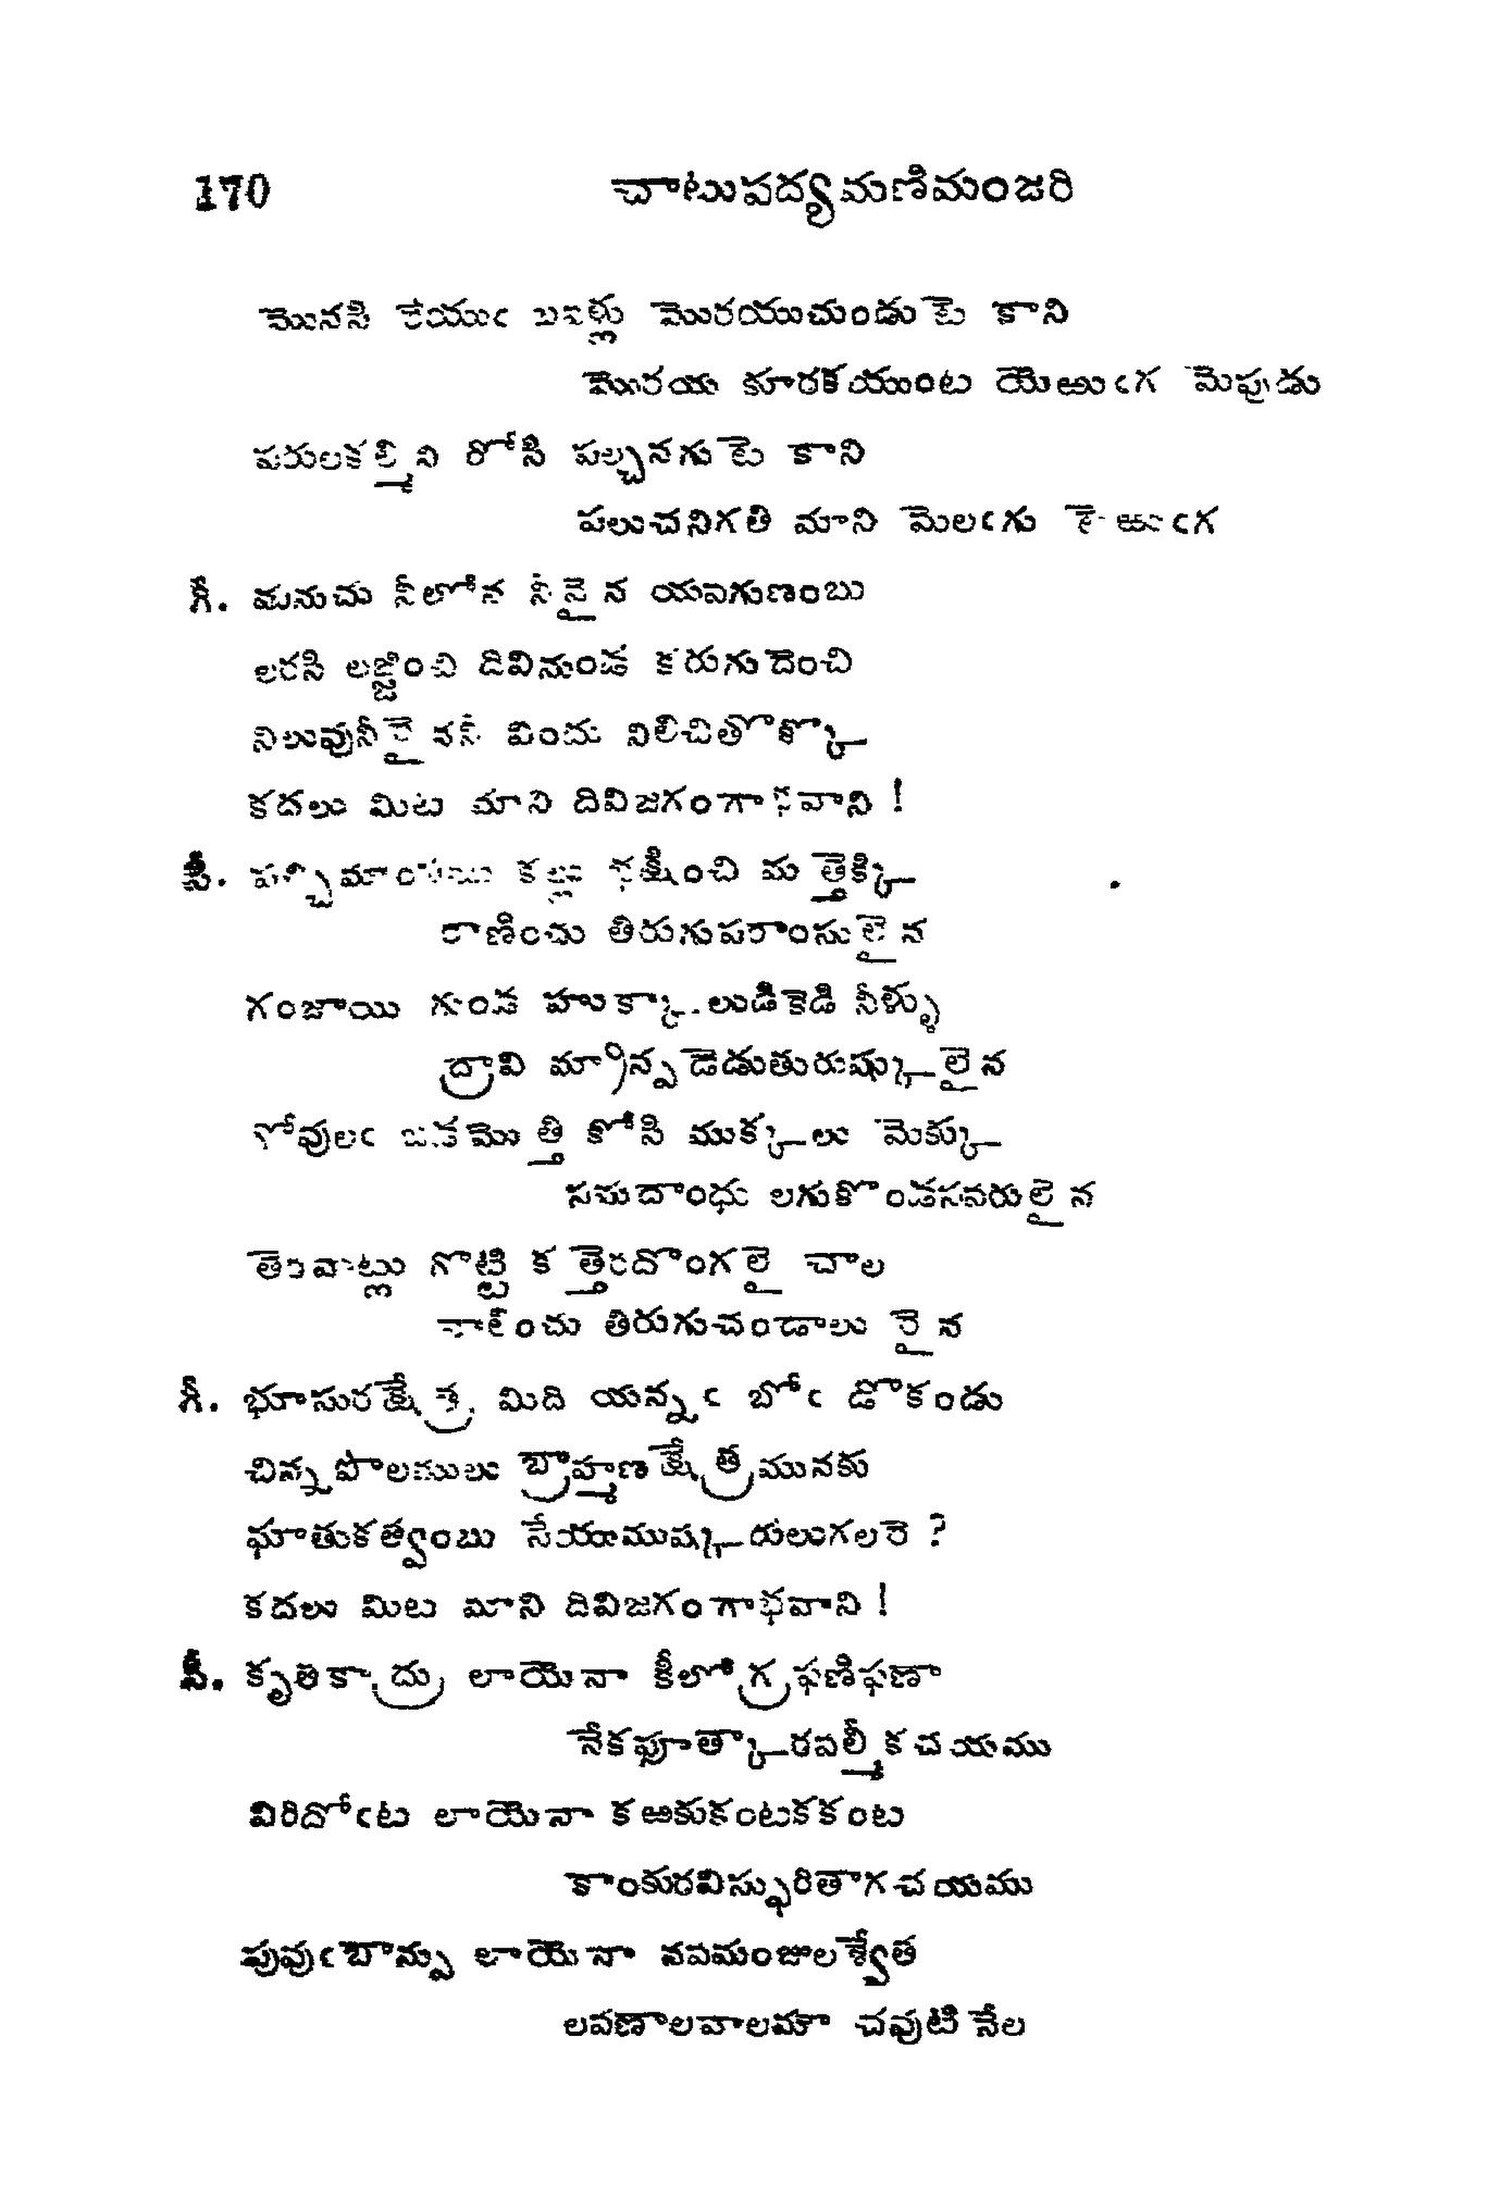మొనసి రేయుఁ బవళ్ళు మొరయుచుండుటె కాని
 మొరయ కూరకయుంట యెఱుఁగ మెపుడు
 పరులకల్మిని రోసి పల్చనగుటె కాని
 పలుచనిగతి మాని మెలఁగు టెఱుఁగ
గీ. మనుచు నీలోన నీవైన యవగుణంబు
 లరసి లజ్జించి దివినుండ కరుగుదెంచి
 నిలువునీరైన నీవిందు నిలిచితొక్కొ
 కదలు మిటమాని దివిజగంగాభవాని!
సీ. పచ్చిమాంసము కల్లు భక్షించి మత్తెక్కి
 రాణించు తిరుగుపరాంసులైన
 గంజాయి గుండ హుక్కాలుడికెడి నీళ్ళు
 ద్రావి మ్రాన్పడెడుతురుష్కులైన
 గోవులఁ బడమొత్తి కోసి ముక్కలు మెక్కు
 సమదాంధు లగుకొండసవరులైన
 తెరవాట్లు గొట్టి కత్తెరదొంగలై చాల
 వాలించు తిరుగుచండాలు రైన
గీ. భూసురక్షేత్ర మిది యన్నఁ బోఁ డొకండు
 చిన్నపొలములు; బ్రాహ్మణక్షేత్రమునకు
 ఘాతుకత్వంబు సేయుముష్కరులు గలరె?
 కదలు మిటమాని దివిజగంగాభవాని!
సీ. కృతకాద్రు లాయెనా కీలోగ్రఫణిఫణా
 నేకఫూత్కారవల్మీకచయము
 విరిదోఁట లాయెనా కఱకుకంటకకంట
 కాంకురవిస్ఫురితాగచయము
 పువుఁబాన్పు లాయెనా నవమంజు లశ్వేత
 లవణాలవాలమౌ చవుటినేల